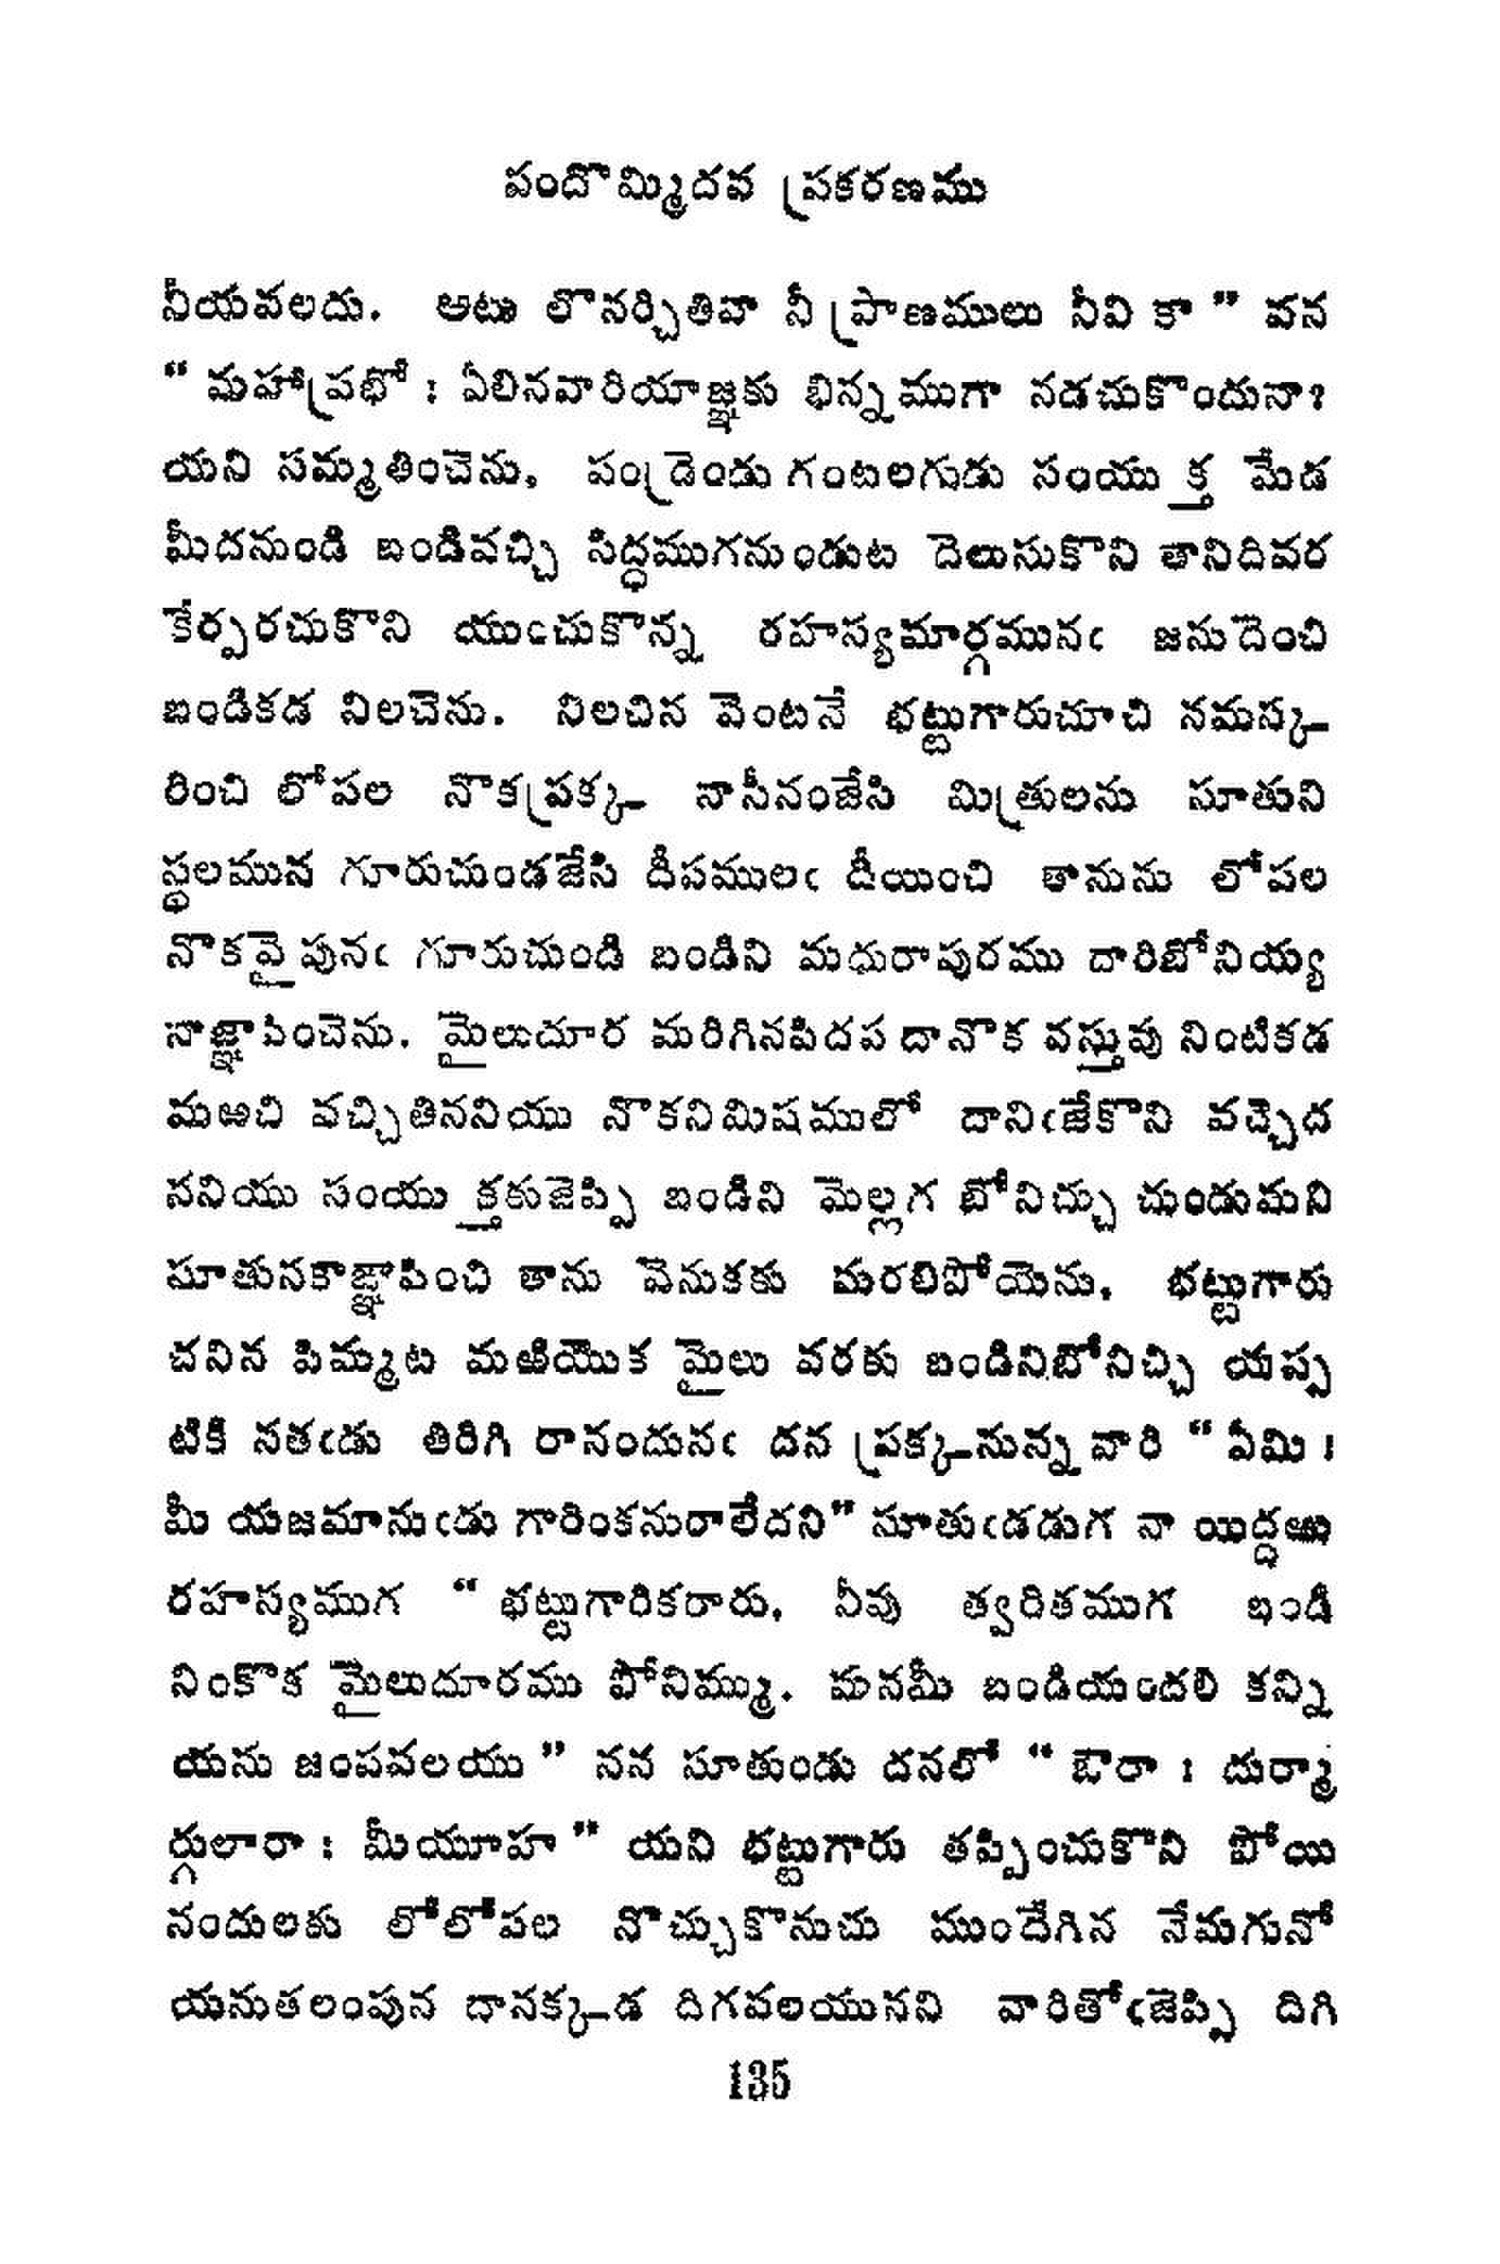నీయవలదు. అటు లొనర్చితివా నీ ప్రాణములు నీవి కా " వన " మహాప్రభో ! ఏలినవారియాజ్ఞకు భిన్నముగా నడచుకొందునా? యని సమ్మతించెను, పండ్రెండు గంటలగుడు సంయుక్త మేడ మీదనుండి బండివచ్చి సిద్ధముగనుండుట దెలుసుకొని తానిదివర కేర్పరచుకొని యుంచుకొన్న రహస్యమార్గమునఁ జనుదెంచి బండికడ నిలచెను. నిలచిన వెంటనే భట్టుగారుచూచి నమస్కరించి లోపల నొకప్రక్క నాసీనంజేసి మిత్రులను సూతుని స్థలమున గూరుచుండజేసి దీపములఁ దీయించి తానును లోపల నొకవైపునఁ గూరుచుండి బండిని మధురాపురము దారిబోనియ్య నాజ్ఞాపించెను. మైలుదూర మరిగినపిదప దానొక వస్తువు నింటికడ మఱచి వచ్చితిననియు నొకనిమిషములో దానిఁజేకొని వచ్చెద ననియు సంయుక్తకుజెప్పి బండిని మెల్లగ బోనిచ్చు చుండుమని సూతునకాజ్ఞాపించి తాను వెనుకకు మరలిపోయెను. భట్టుగారు చనిన పిమ్మట మఱియొక మైలు వరకు బండినిబోనిచ్చి యప్పటికి నతఁడు తిరిగి రానందునఁ దన ప్రక్కనున్నవారి " ఏమి !మీ యజమానుఁడు గారింకనురాలేదని" సూతుఁడడుగ నా యిద్దఱు రహస్యముగ " భట్టుగారికరారు. నీవు త్వరితముగ బండి నింకొక మైలుదూరము పోనిమ్ము. మనమీ బండియందలి కన్నియను జంపవలయు " నన సూతుండు దనలో “ఔరా ! దుర్మార్గులారా : మీయూహ" యని భట్టుగారు తప్పించుకొని పోయి నందులకు లోలోపల నొచ్చుకొనుచు ముందేగిన నేమగునో యనుతలంపున దానక్కడ దిగవలయునని వారితోఁజెప్పి దిగి